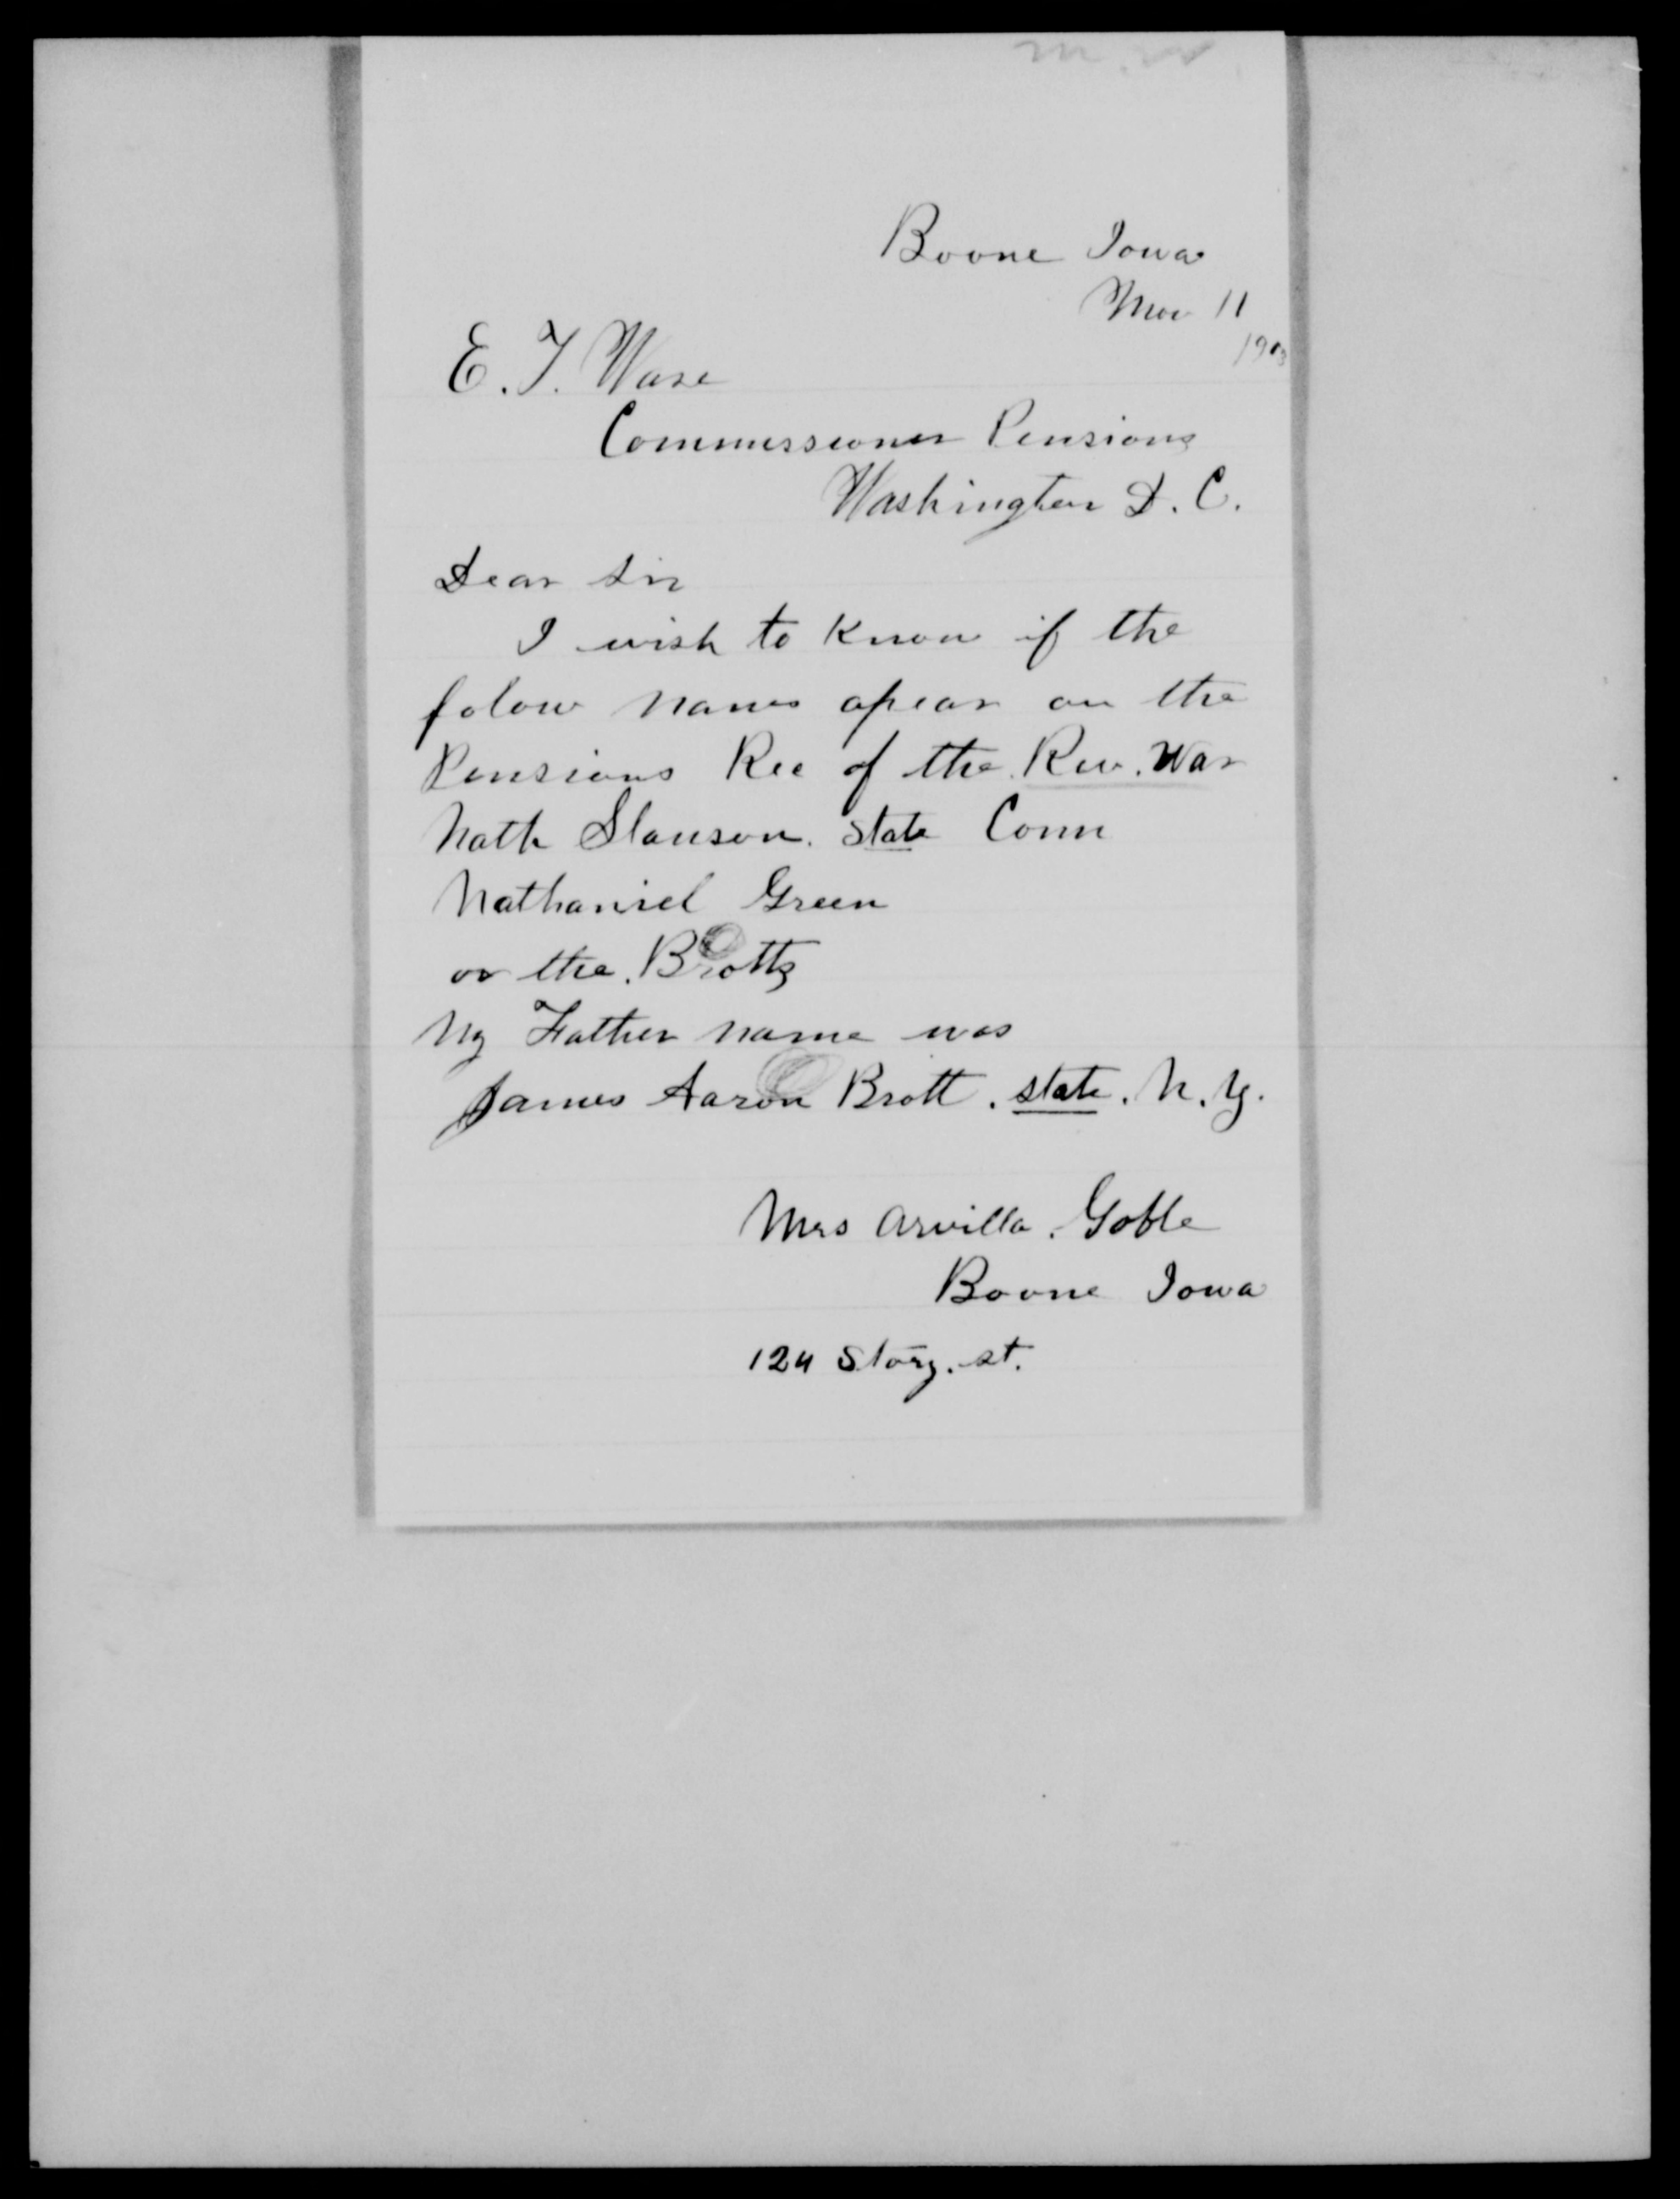Boone Iowa Nov 11 1913
E. T. Ware 
Commissioner Pensions 
Washington D.C. 
Dear Sir I wish to know if the folow name apear on the Pensions Roll of the Rev. War 
Nath Slanson State Conn – 
Nathaniel Green 
or the Brotts 
My Father name was James Aaron Brott State N.Y. 
Mrs Arvilla Goble 
Boone Iowa 
124 Story St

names: Nath Slawson; James Brott; Arvilla Goble; Aaron Brott; Nathaniel Green; E T Ware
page: 41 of 87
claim: widow's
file: W. 22,226, for Nathan Slawson, Connecticut